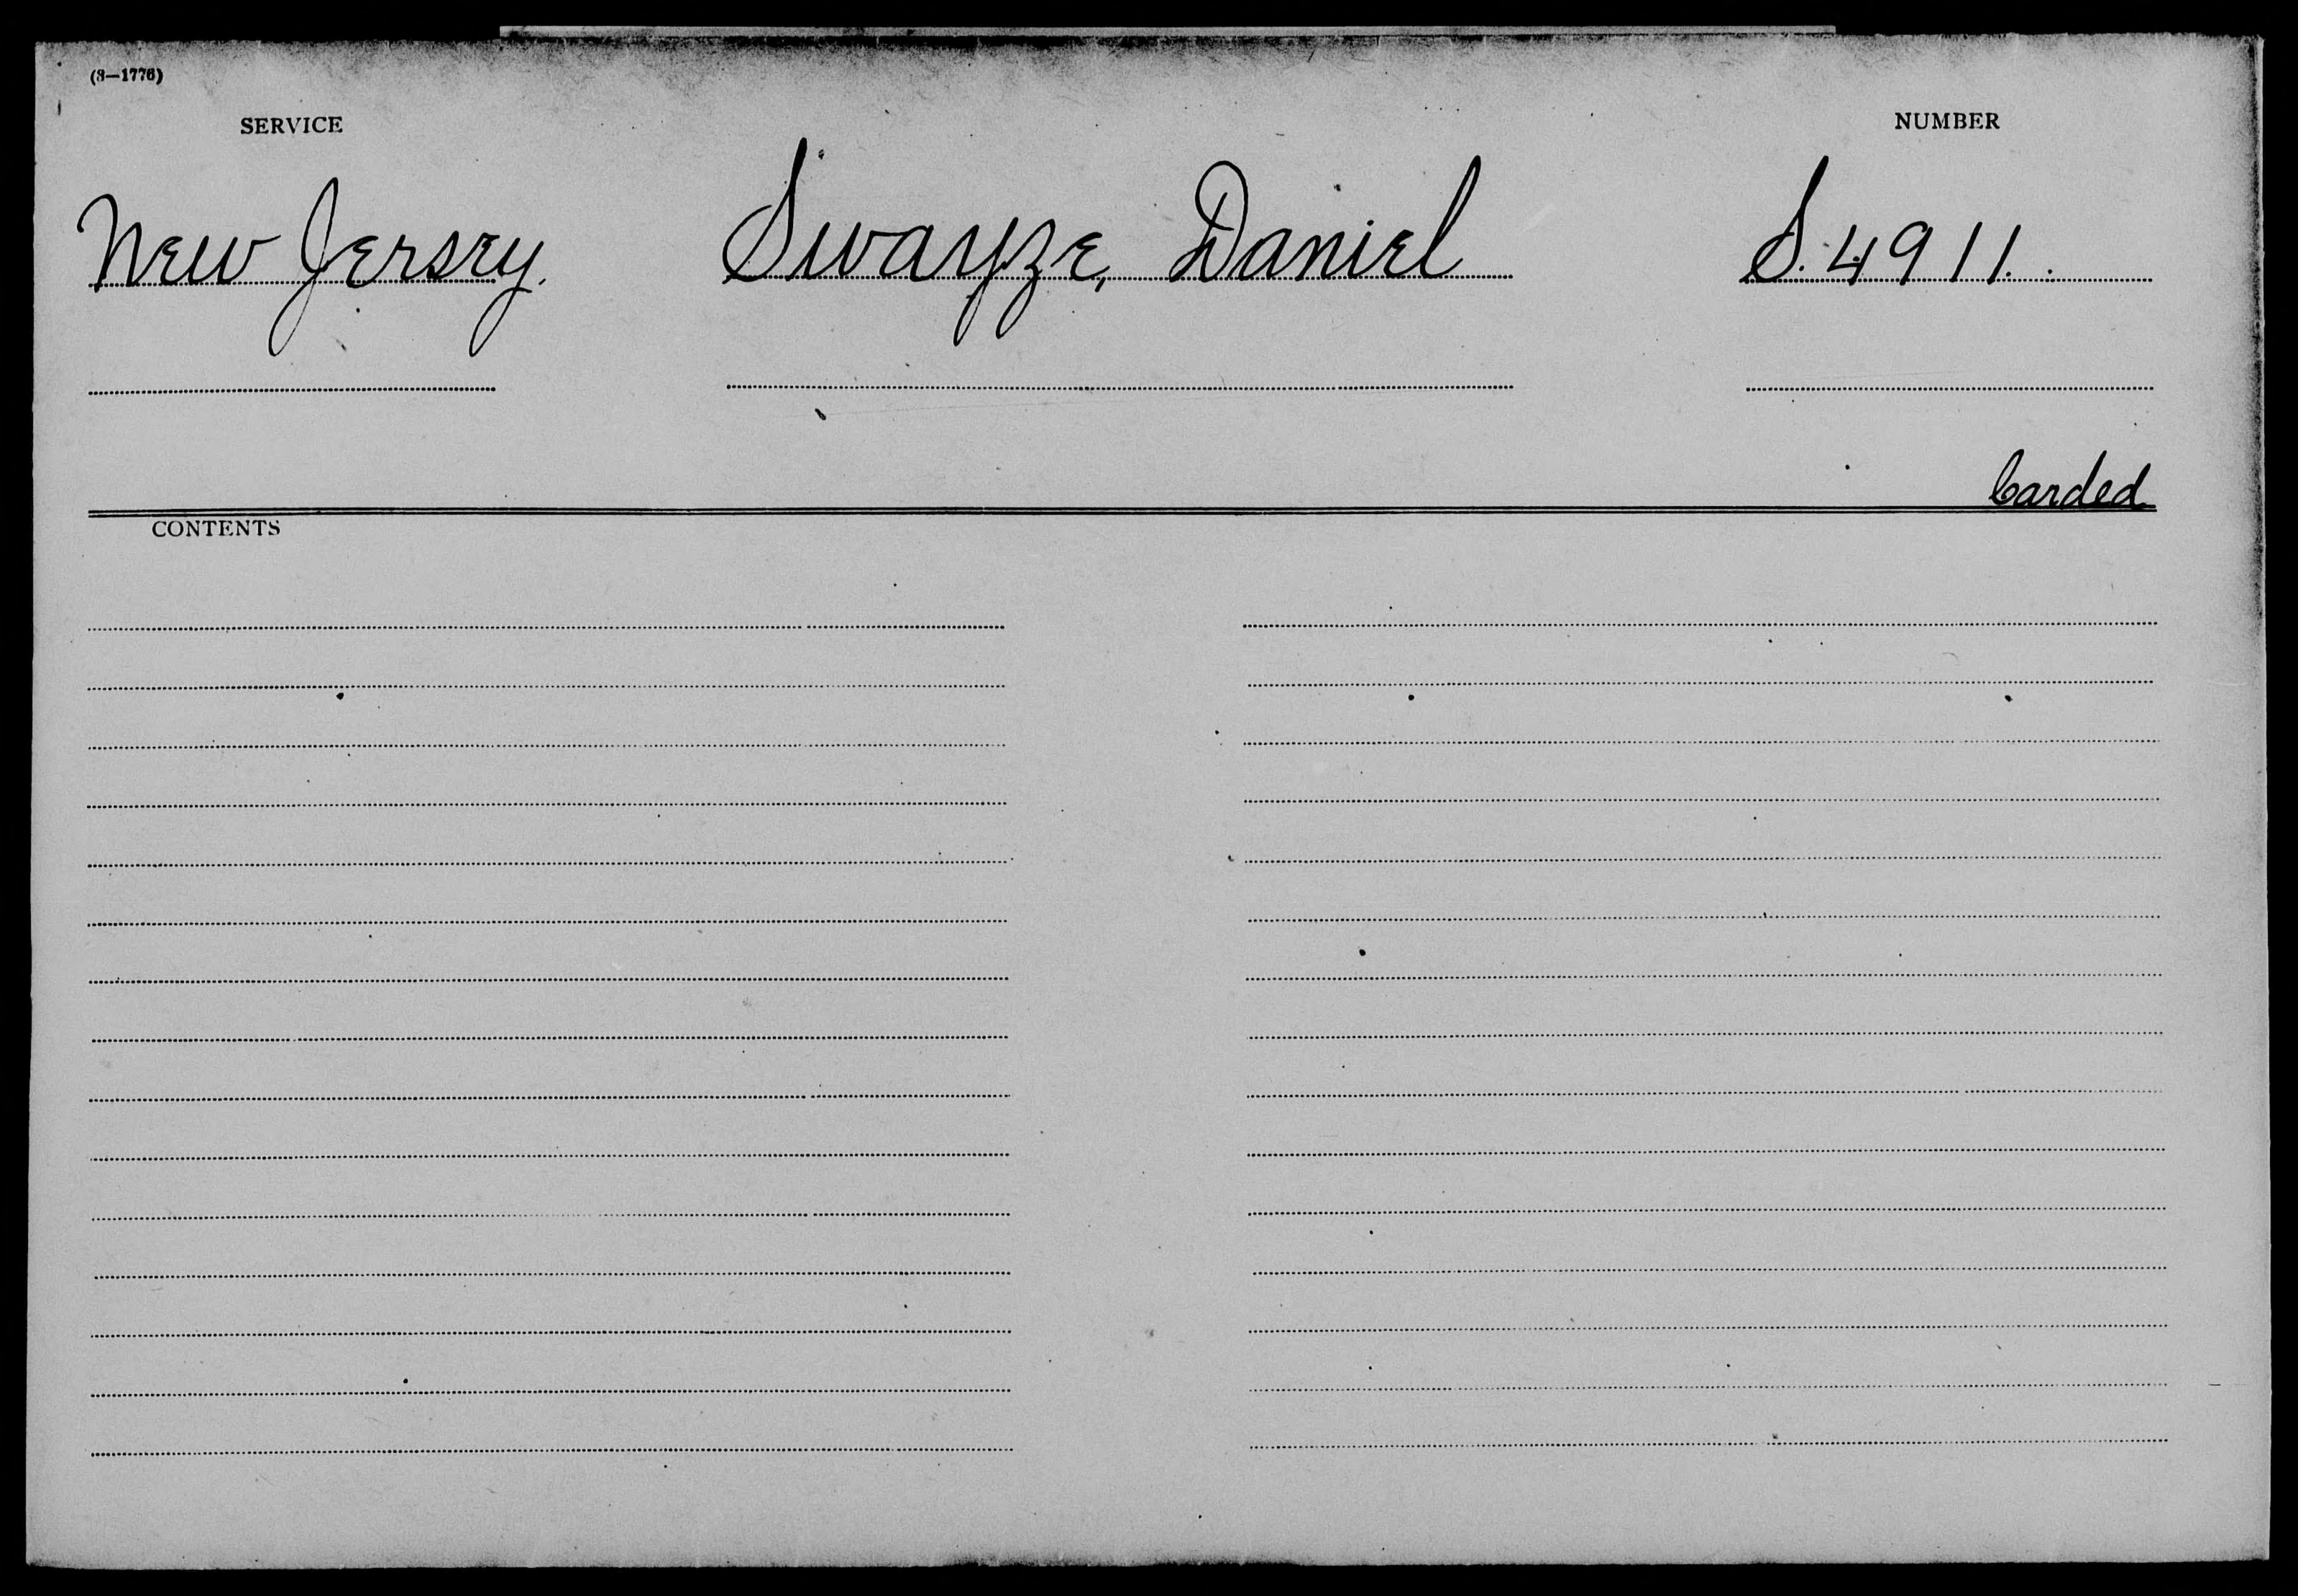(3-1776)
SERVICE
New Jersey
Contents
Swayze, Daniel
Number
S:4911
Carded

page: 1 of 20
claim: survivor's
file: S. 4911, for Daniel Swayze, New Jersey